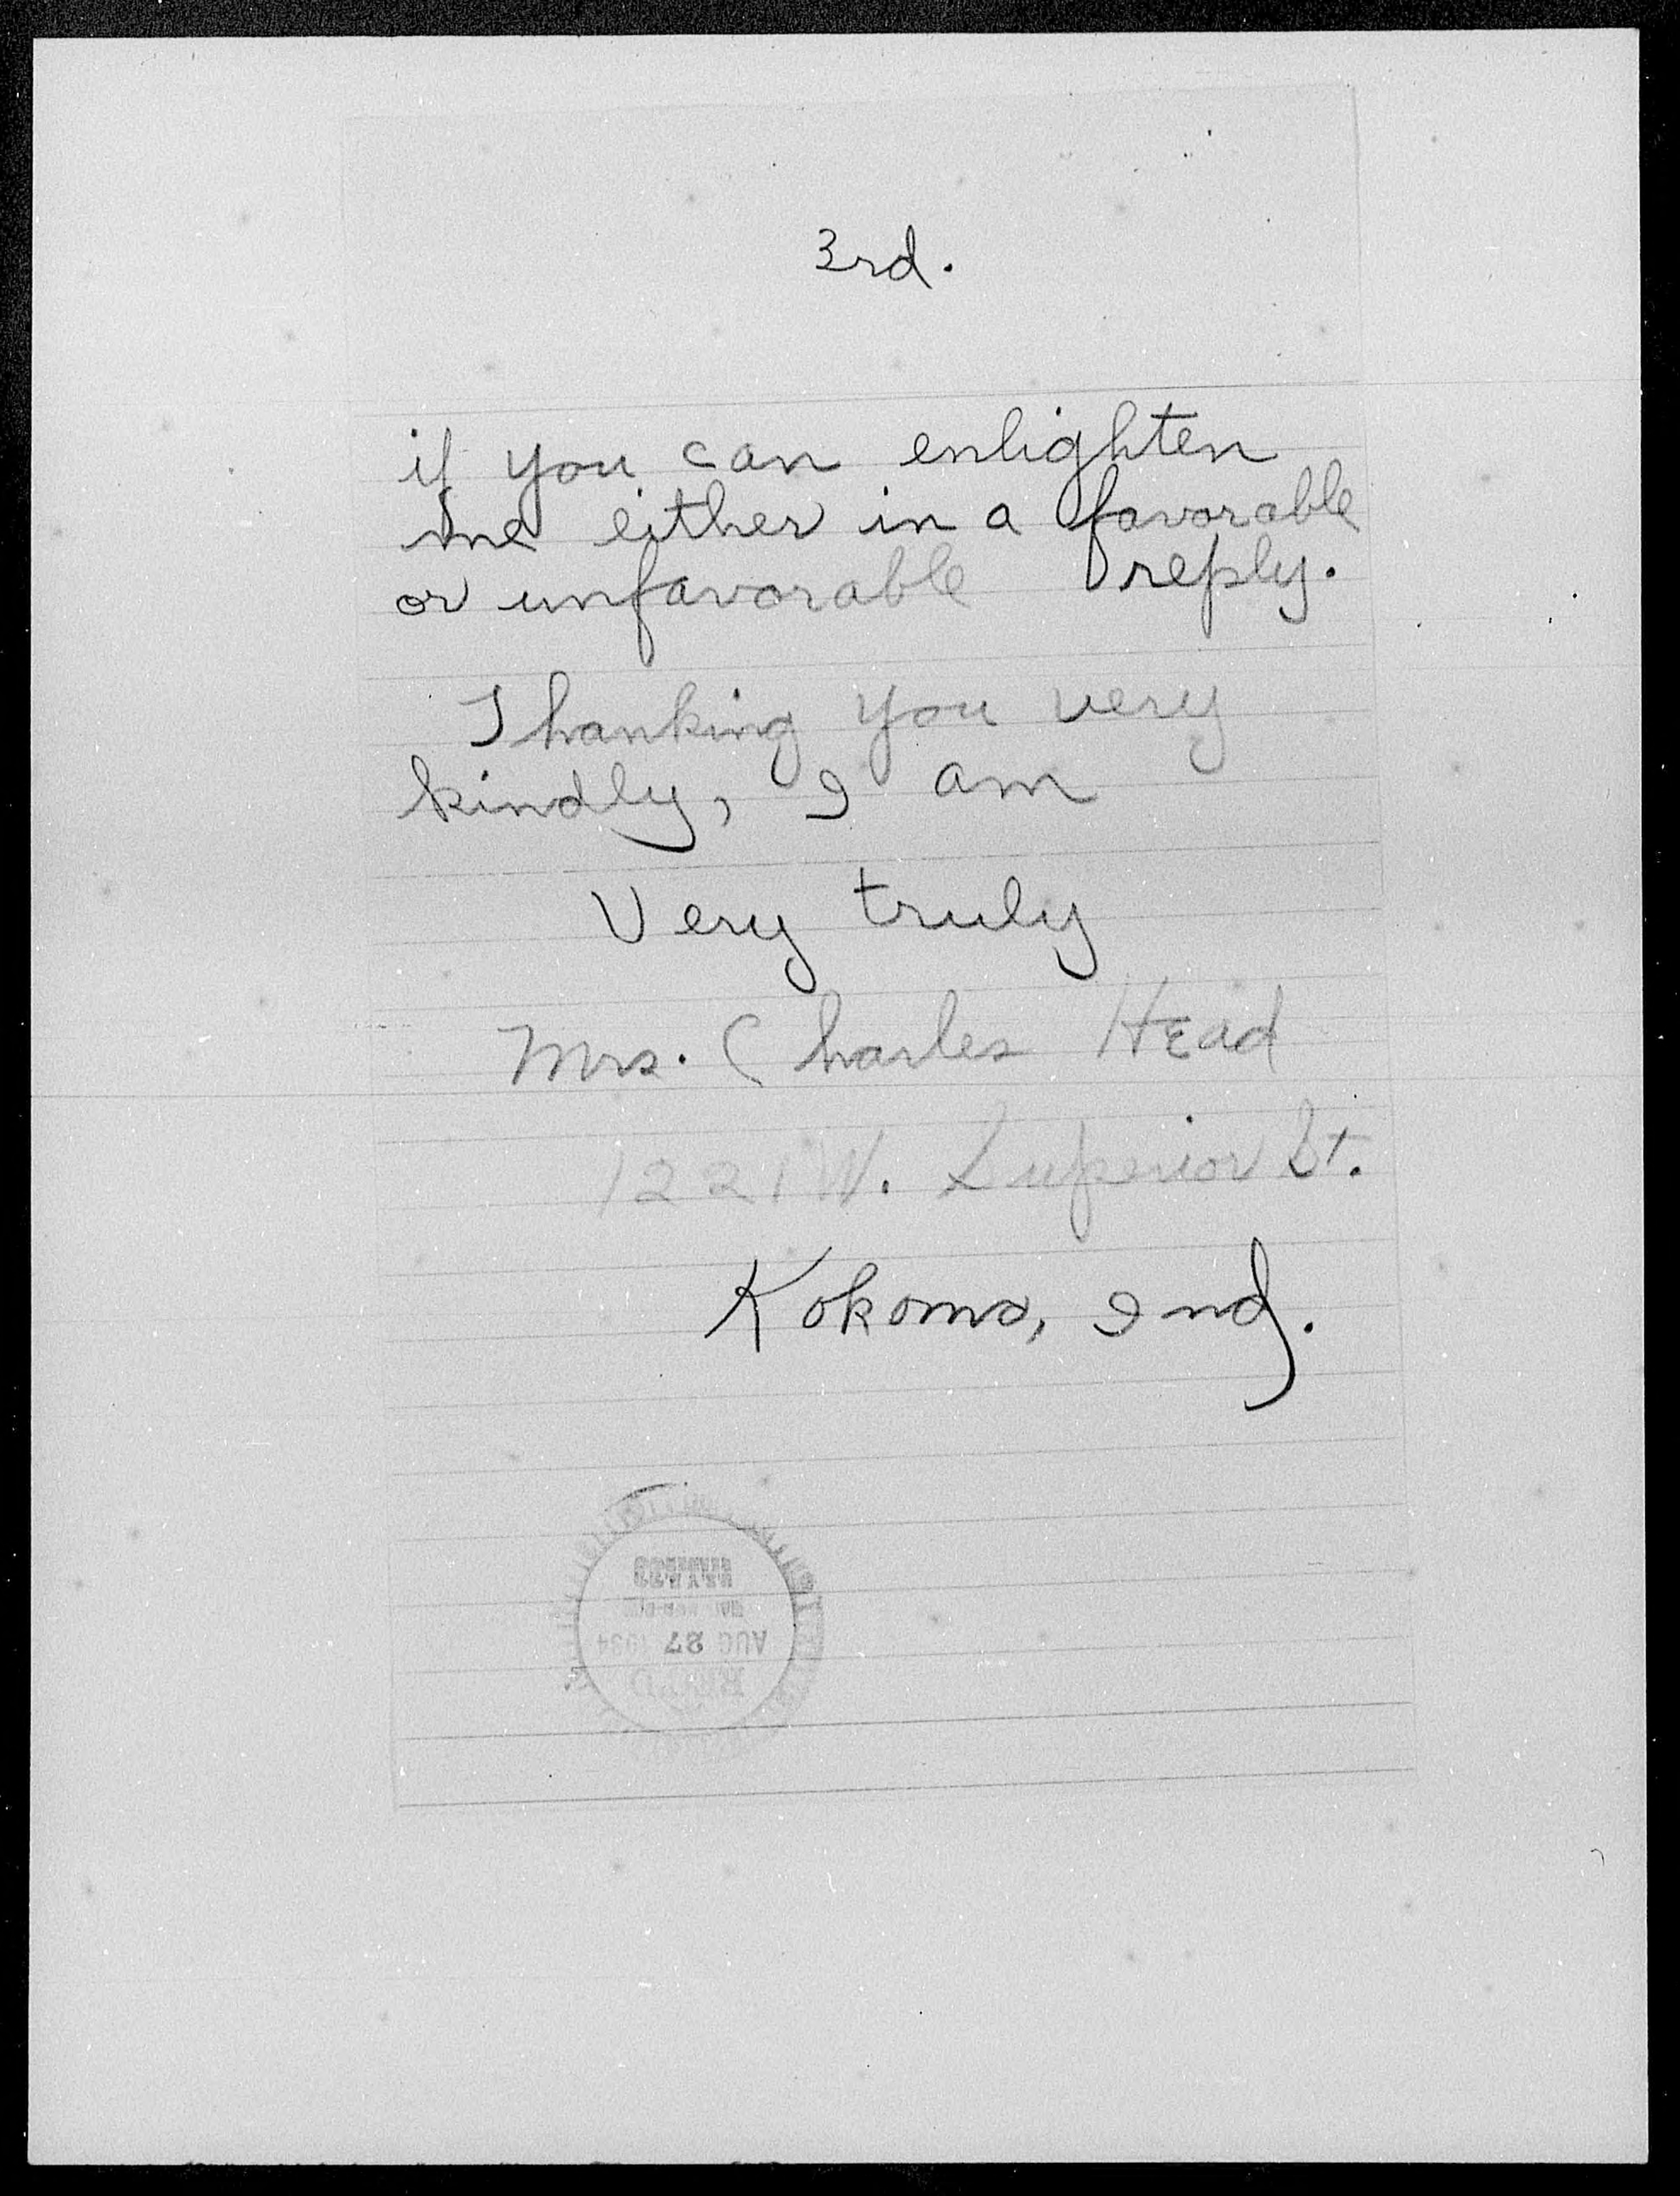3rd. if you can enlighten me either in a favorable or unfavorable reply. 
Thanking you very kindly, I am Very truly 
Mrs. Charles Head 1221 W. Superior St. 
Kokomo, Ind.
Rec'd Aug 27 1934 [stamp illegible]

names: Charles Head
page: 14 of 31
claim: widow's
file: W. 8668, John Dick, S C